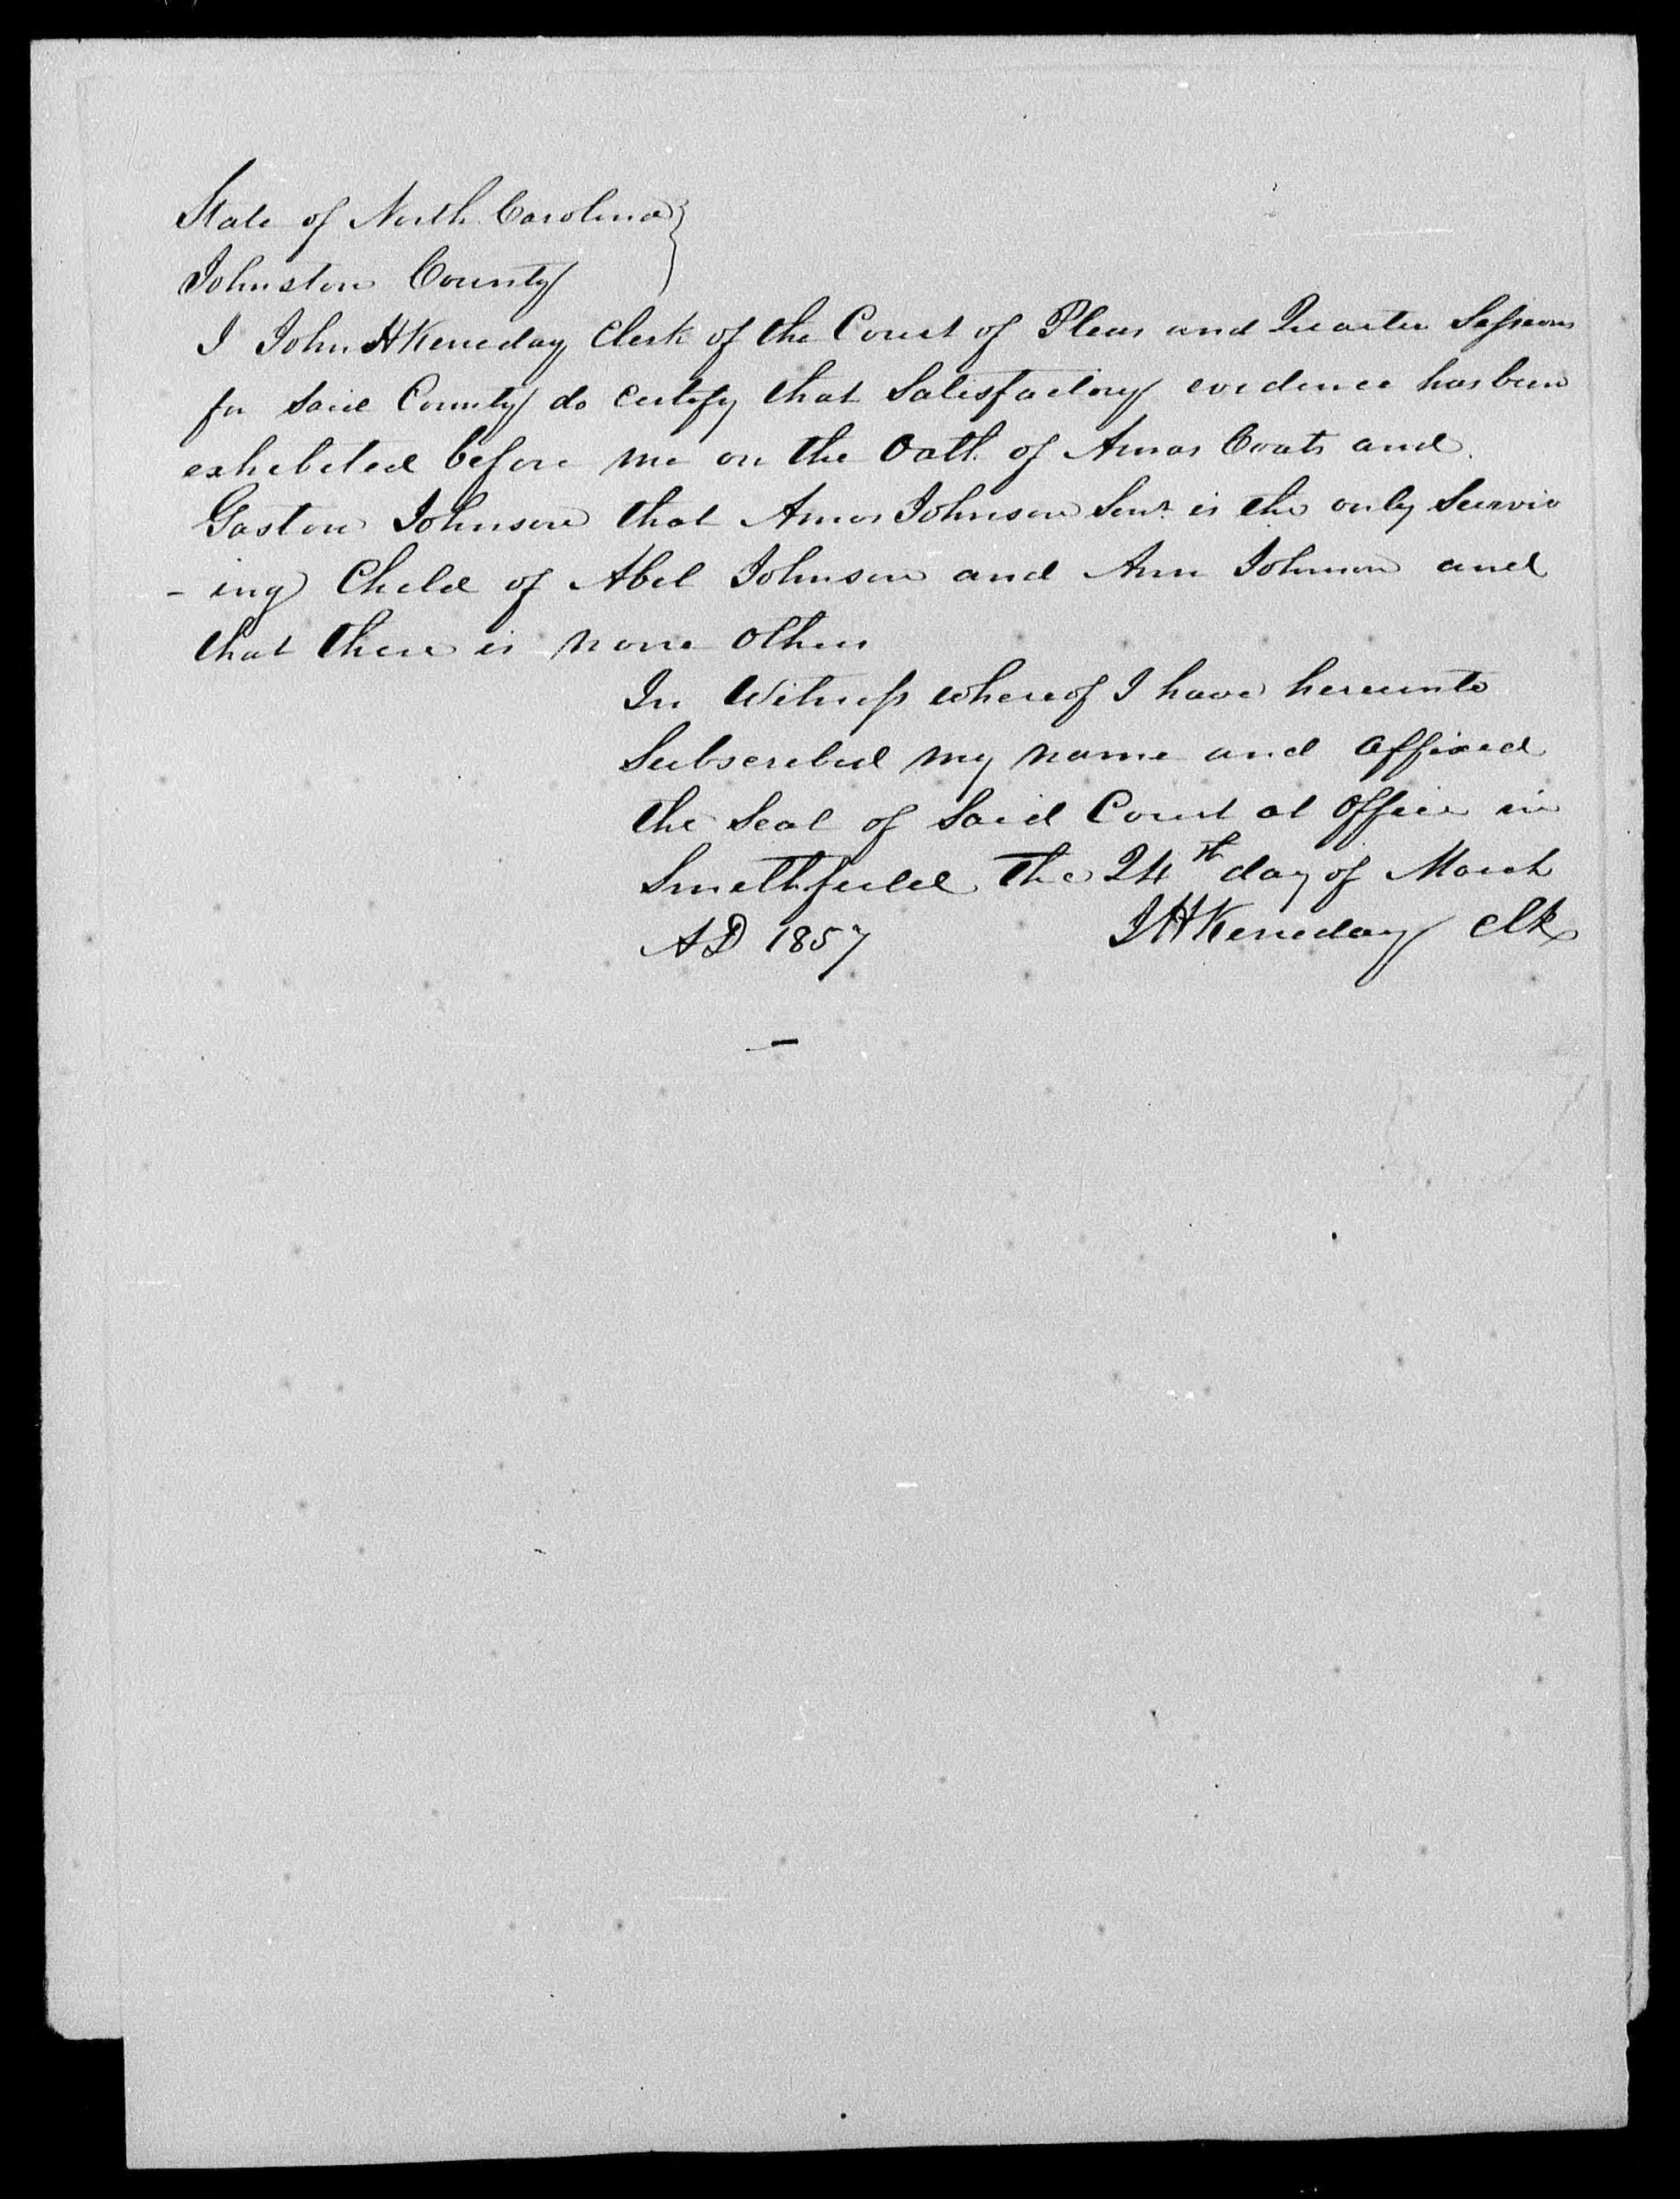State of North Carolina
Johnston County
I, John H. Keneday, Clerk of the Court of Pleas and Quarter Sessions for said County do certify that satisfactory evidence has been exhibited before me on oath of Amos Coats and Gaston Johnson that Amos Johnson is the only surviving child of Abel and Ann Johnson and that there is none other. 
In witness thereof, I have hereunto subscribed my name and affixed the seal of said Court of Office in Smithfield the 24th day of March A.D. 1857
J. H. Keneday, Clerk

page: 62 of 74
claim: rejected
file: R. 5600, for Abel Johnson, North Carolina